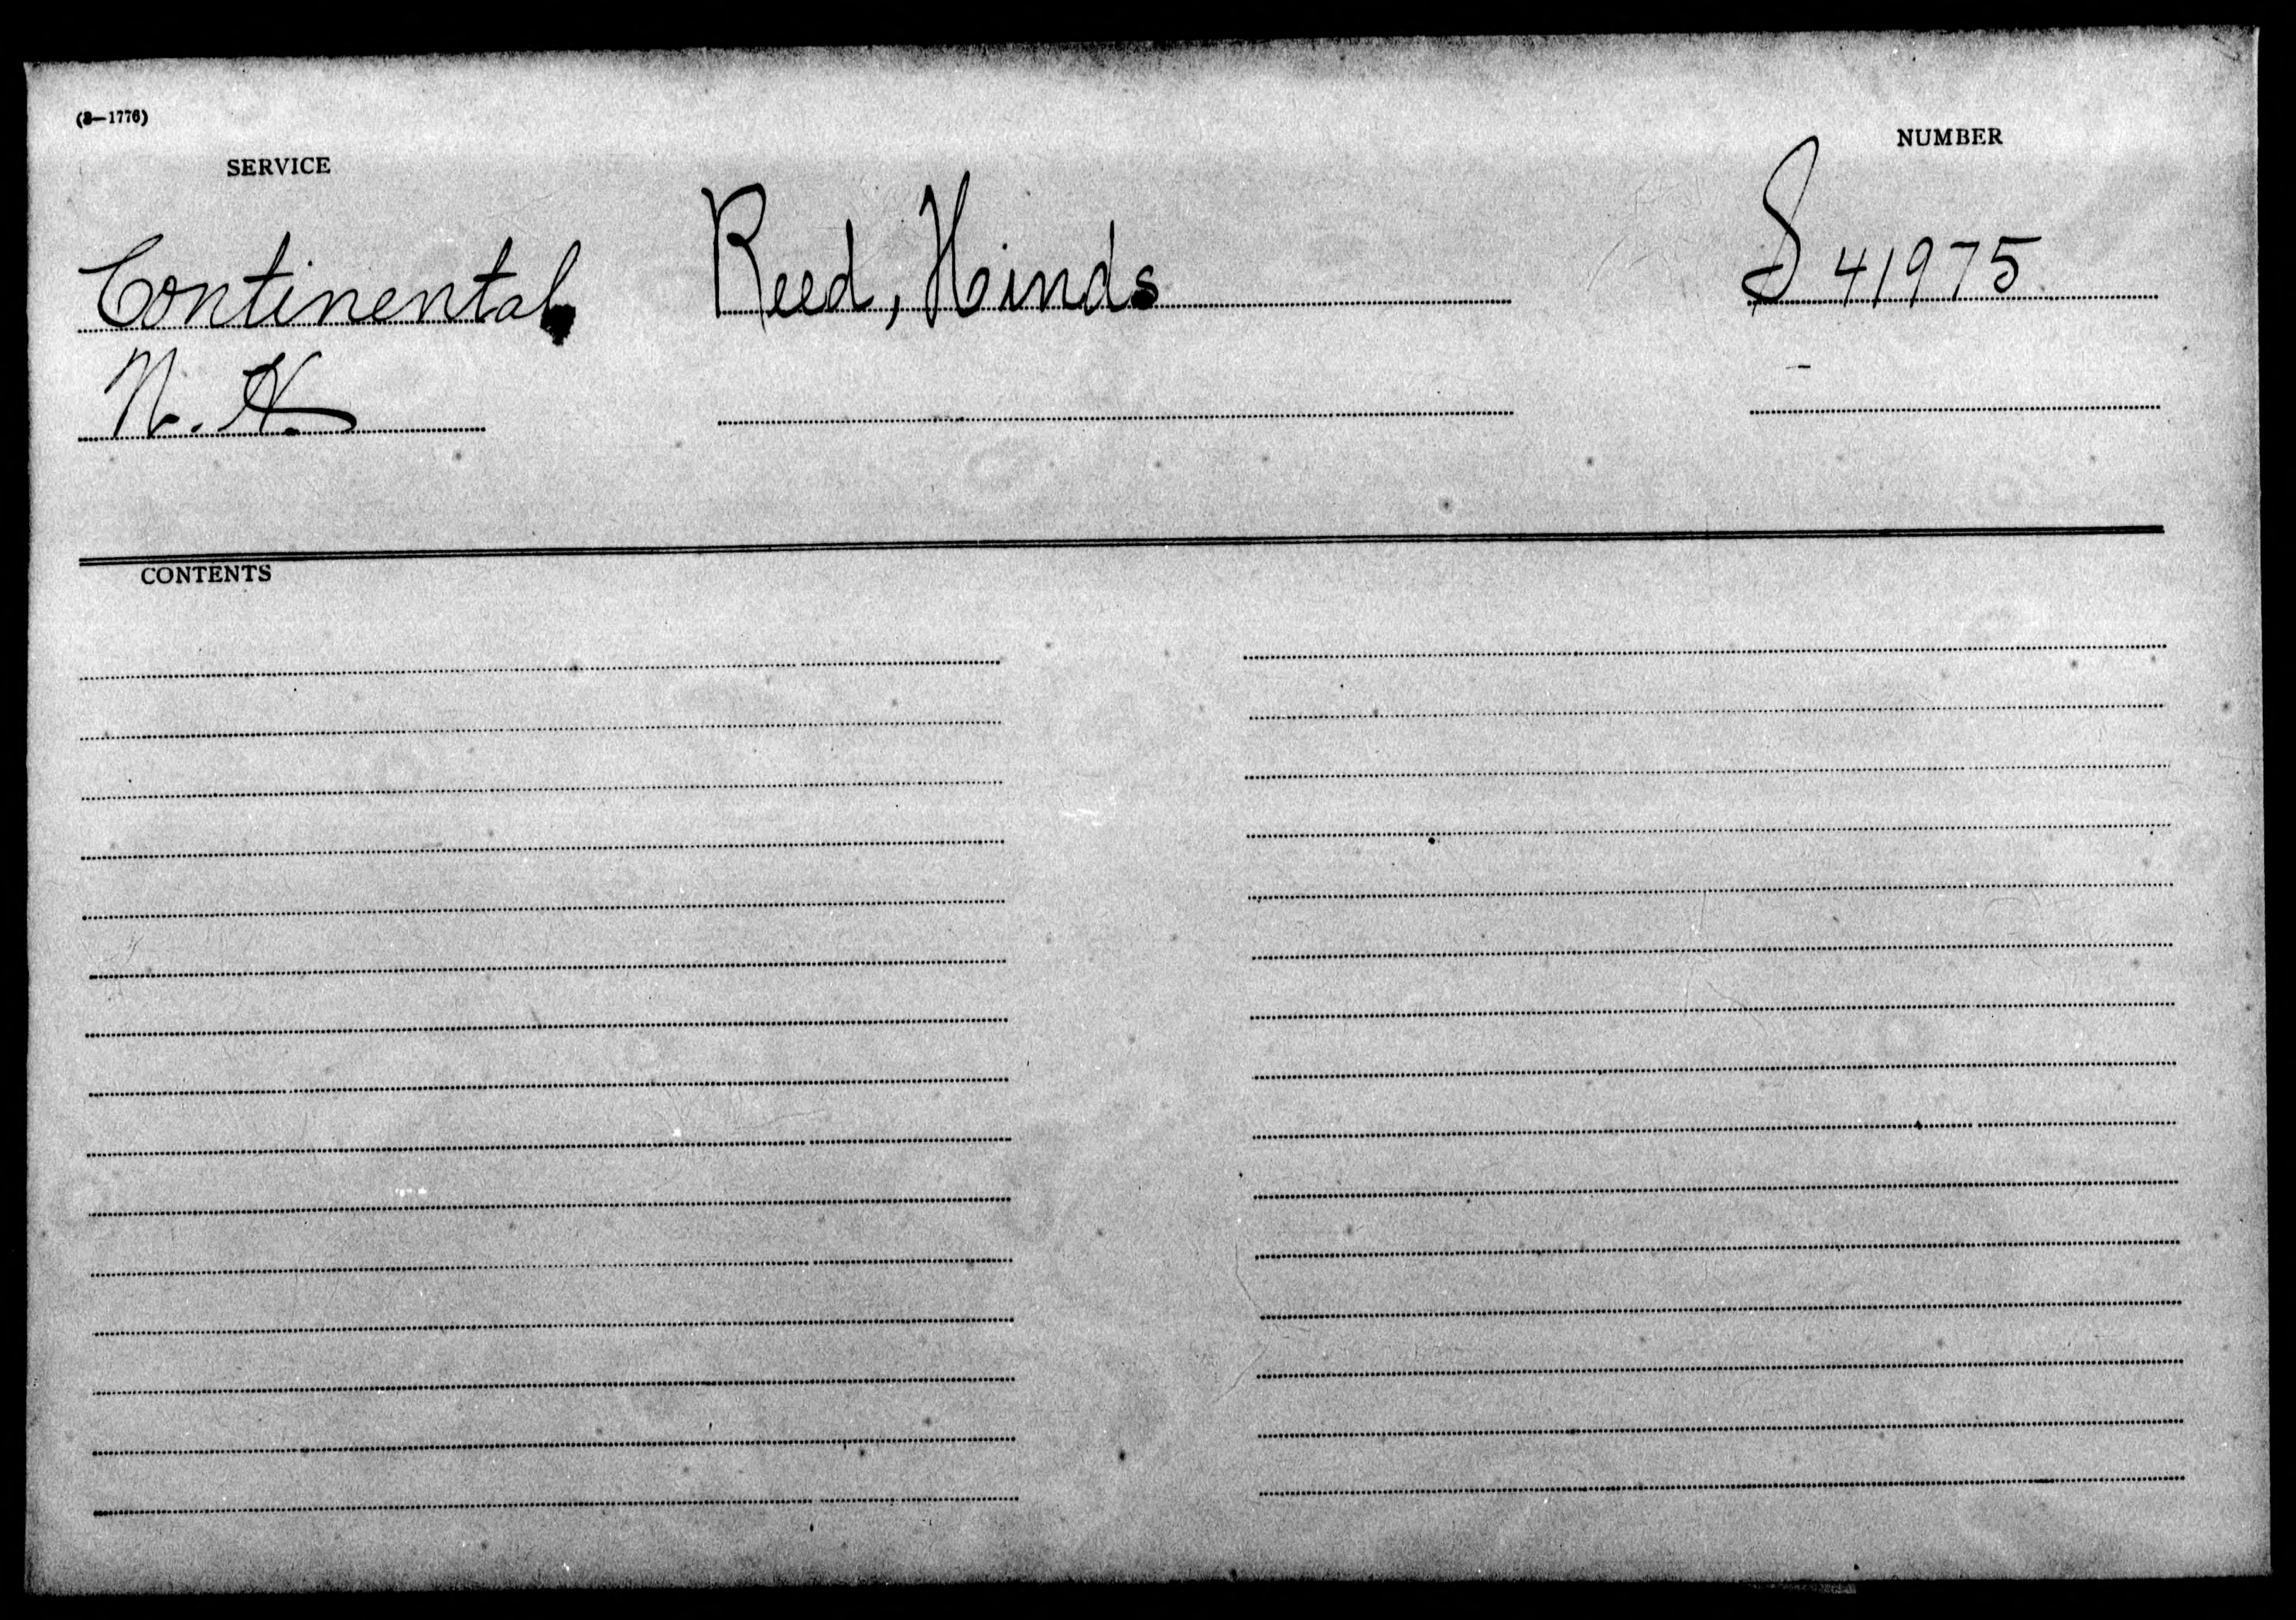(3-1776)
SERVICE
Continental 
N.H.
Reed, Heinds
NUMBER
S41975
CONTENTS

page: 1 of 19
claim: survivor's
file: S 41975, for Hinds Reed, New Hampshire